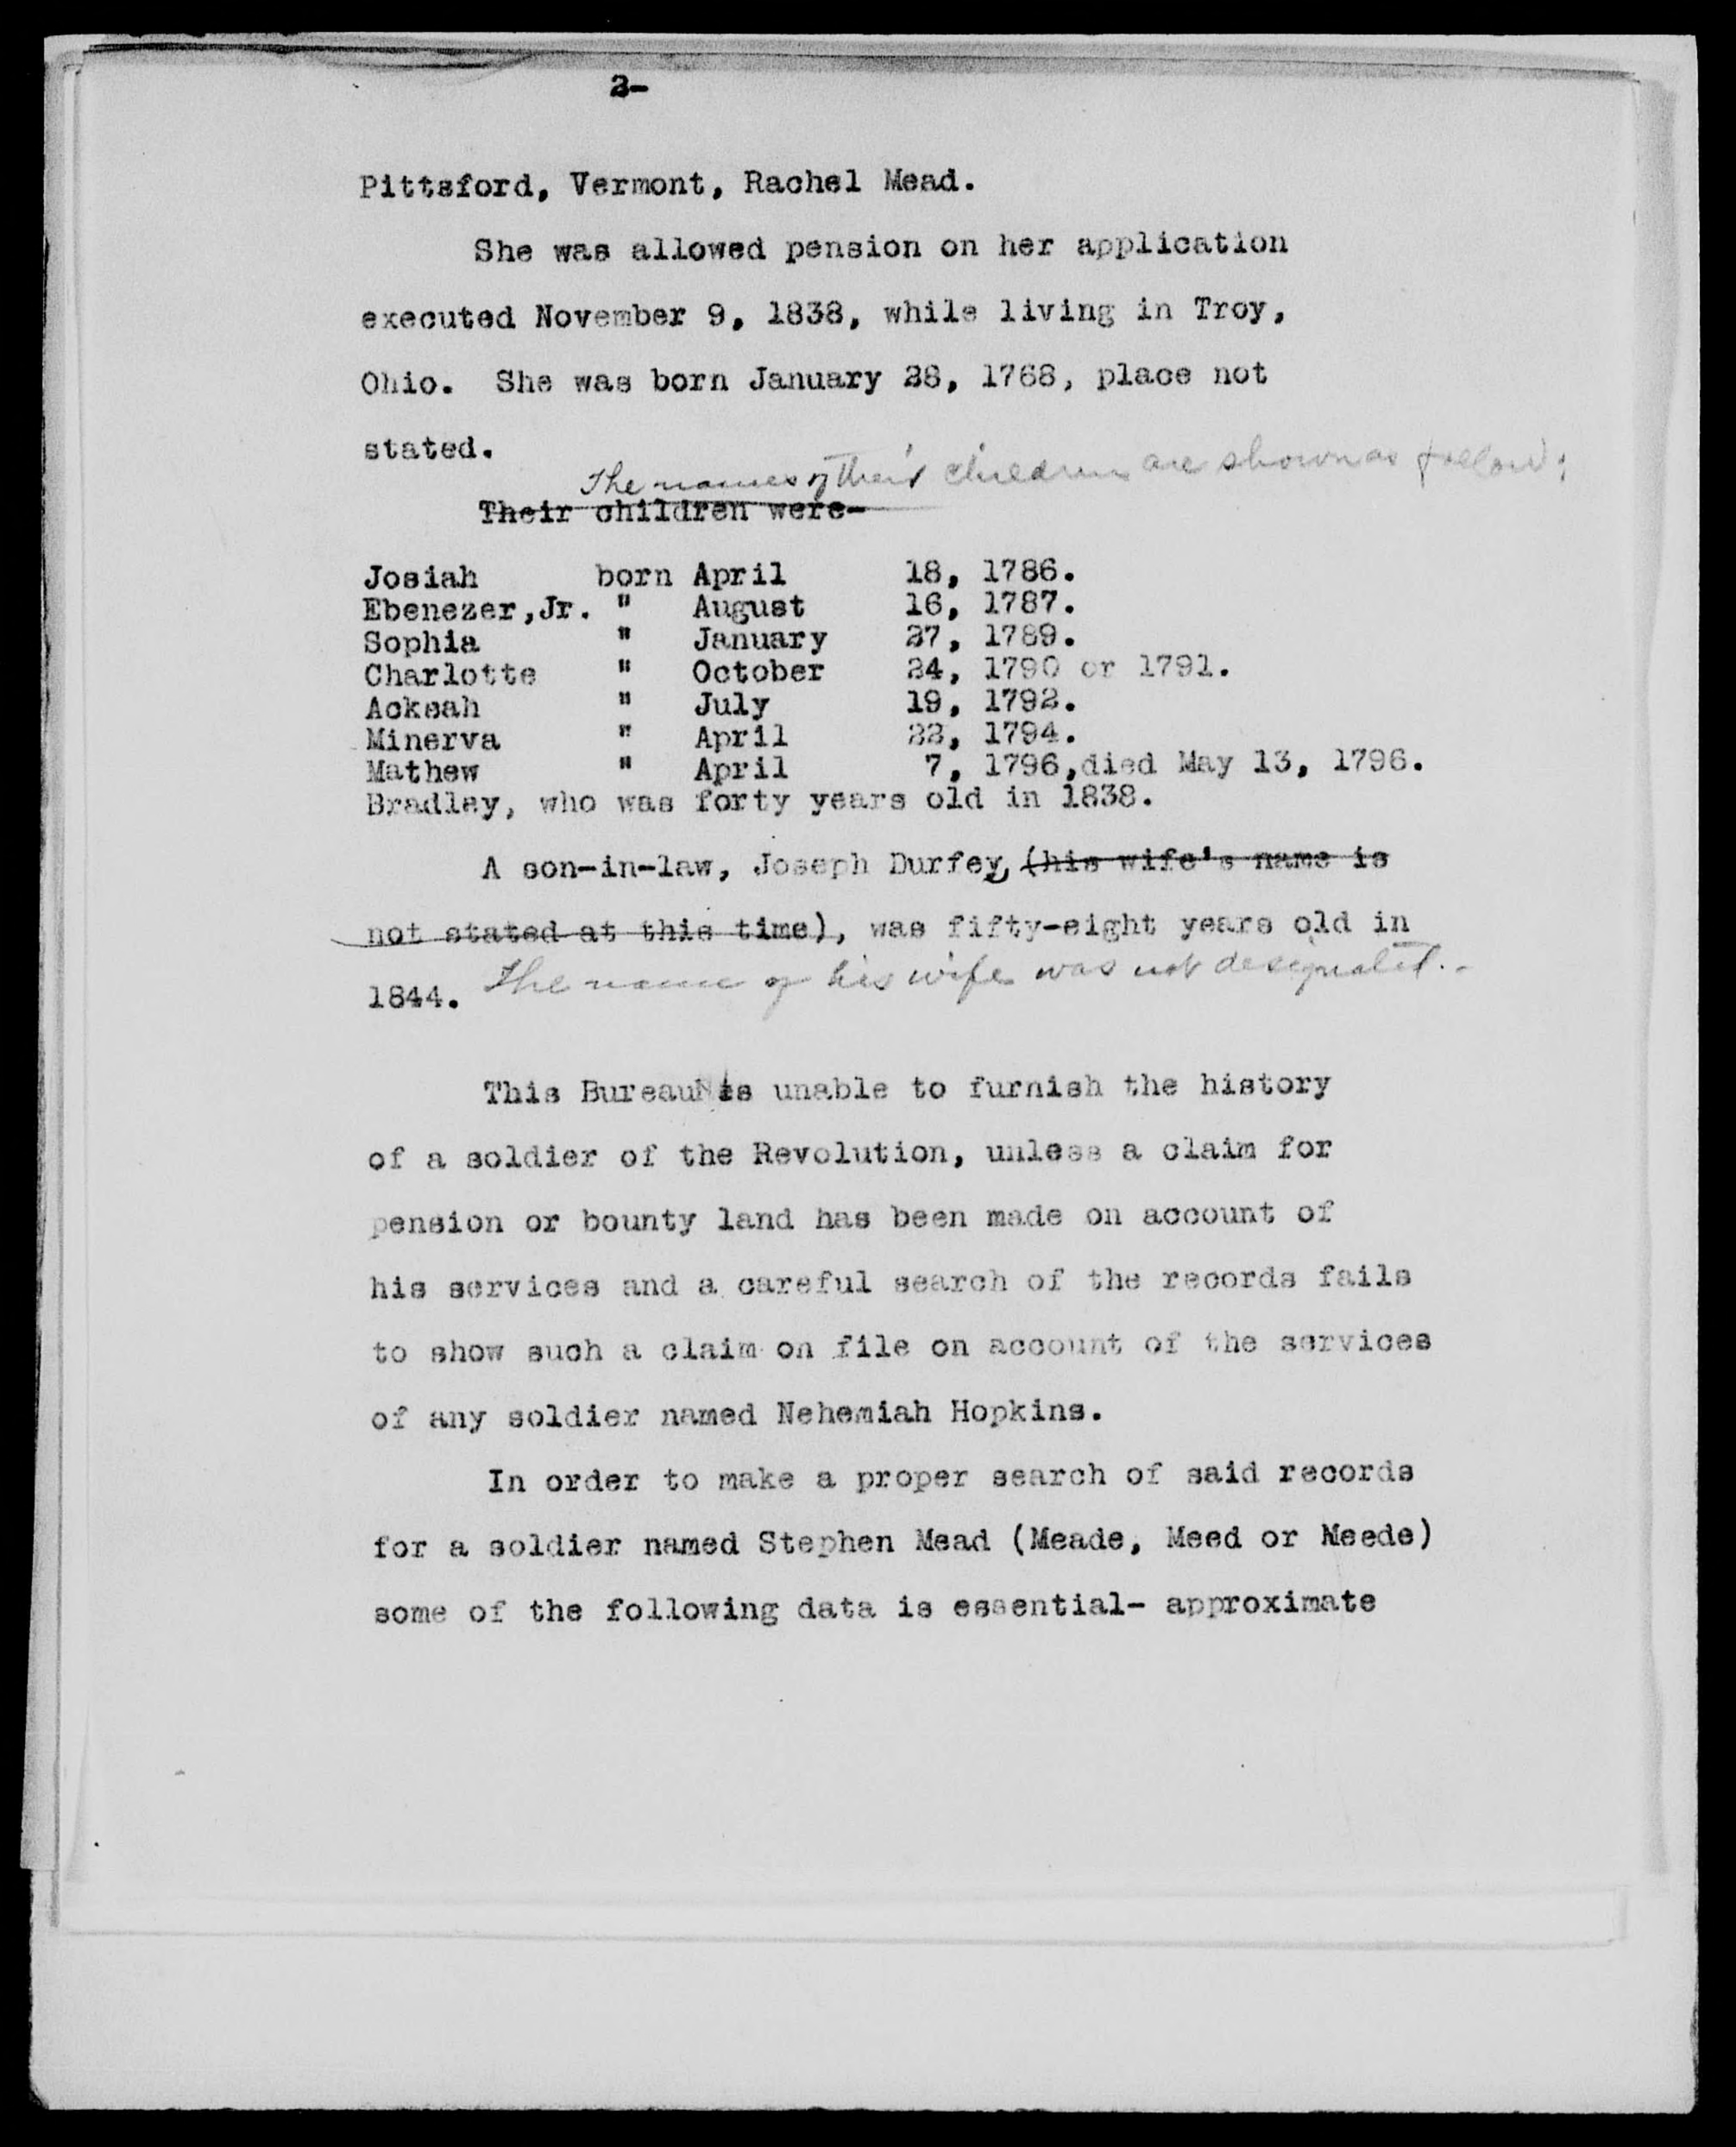2-
Pittsford, Vermont, Rachel Mead.

She was allowed pension on her application executed November 9, 1838, while living in Troy, Ohio. She was born January 28, 1768, place not stated. 

The names of their children are shown as follow:

Josiah born April 18, 1786.
Ebenezer, Jr. " August16, 1787.
Sophia " January 27, 1789.
Charlotte " October 24, 1790 or 1791.
Aokeah " July 19, 1792.
Minerva " April 23, 1794.
Mathew " April 7, 1796, died May 13, 1796.
Bradley, who was forty years old in 1838.

A son-in-law, Joseph Durfey, was fifty-eight years old in 1844. The name of his wife was not designated. 

This Bureau is unable to furnish the history of a soldier of the Revolution, unless a claim for pension or bounty land has been made on account of his services and a careful search of the records fails to show such a claim on file on account of the services of any soldier named Nehemiah Hopkins. 

In order to make a proper search of said records for a soldier named Stephen Mead (Meade, Meed, or Meede) some of the following data is essential- approximate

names: Acksah, Rachel Mead, Joseph Durfey, Stephen Meed, Stephen Mead, Minerva, Stephen Meade, Nehemiah Hopkins, Josiah, Stephen Meede, Mathew, Ebenezer, Bradley, Charlotte, Sophia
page: 143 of 144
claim: rejected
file: R. 5208, Dennis Hopkins, N.C.